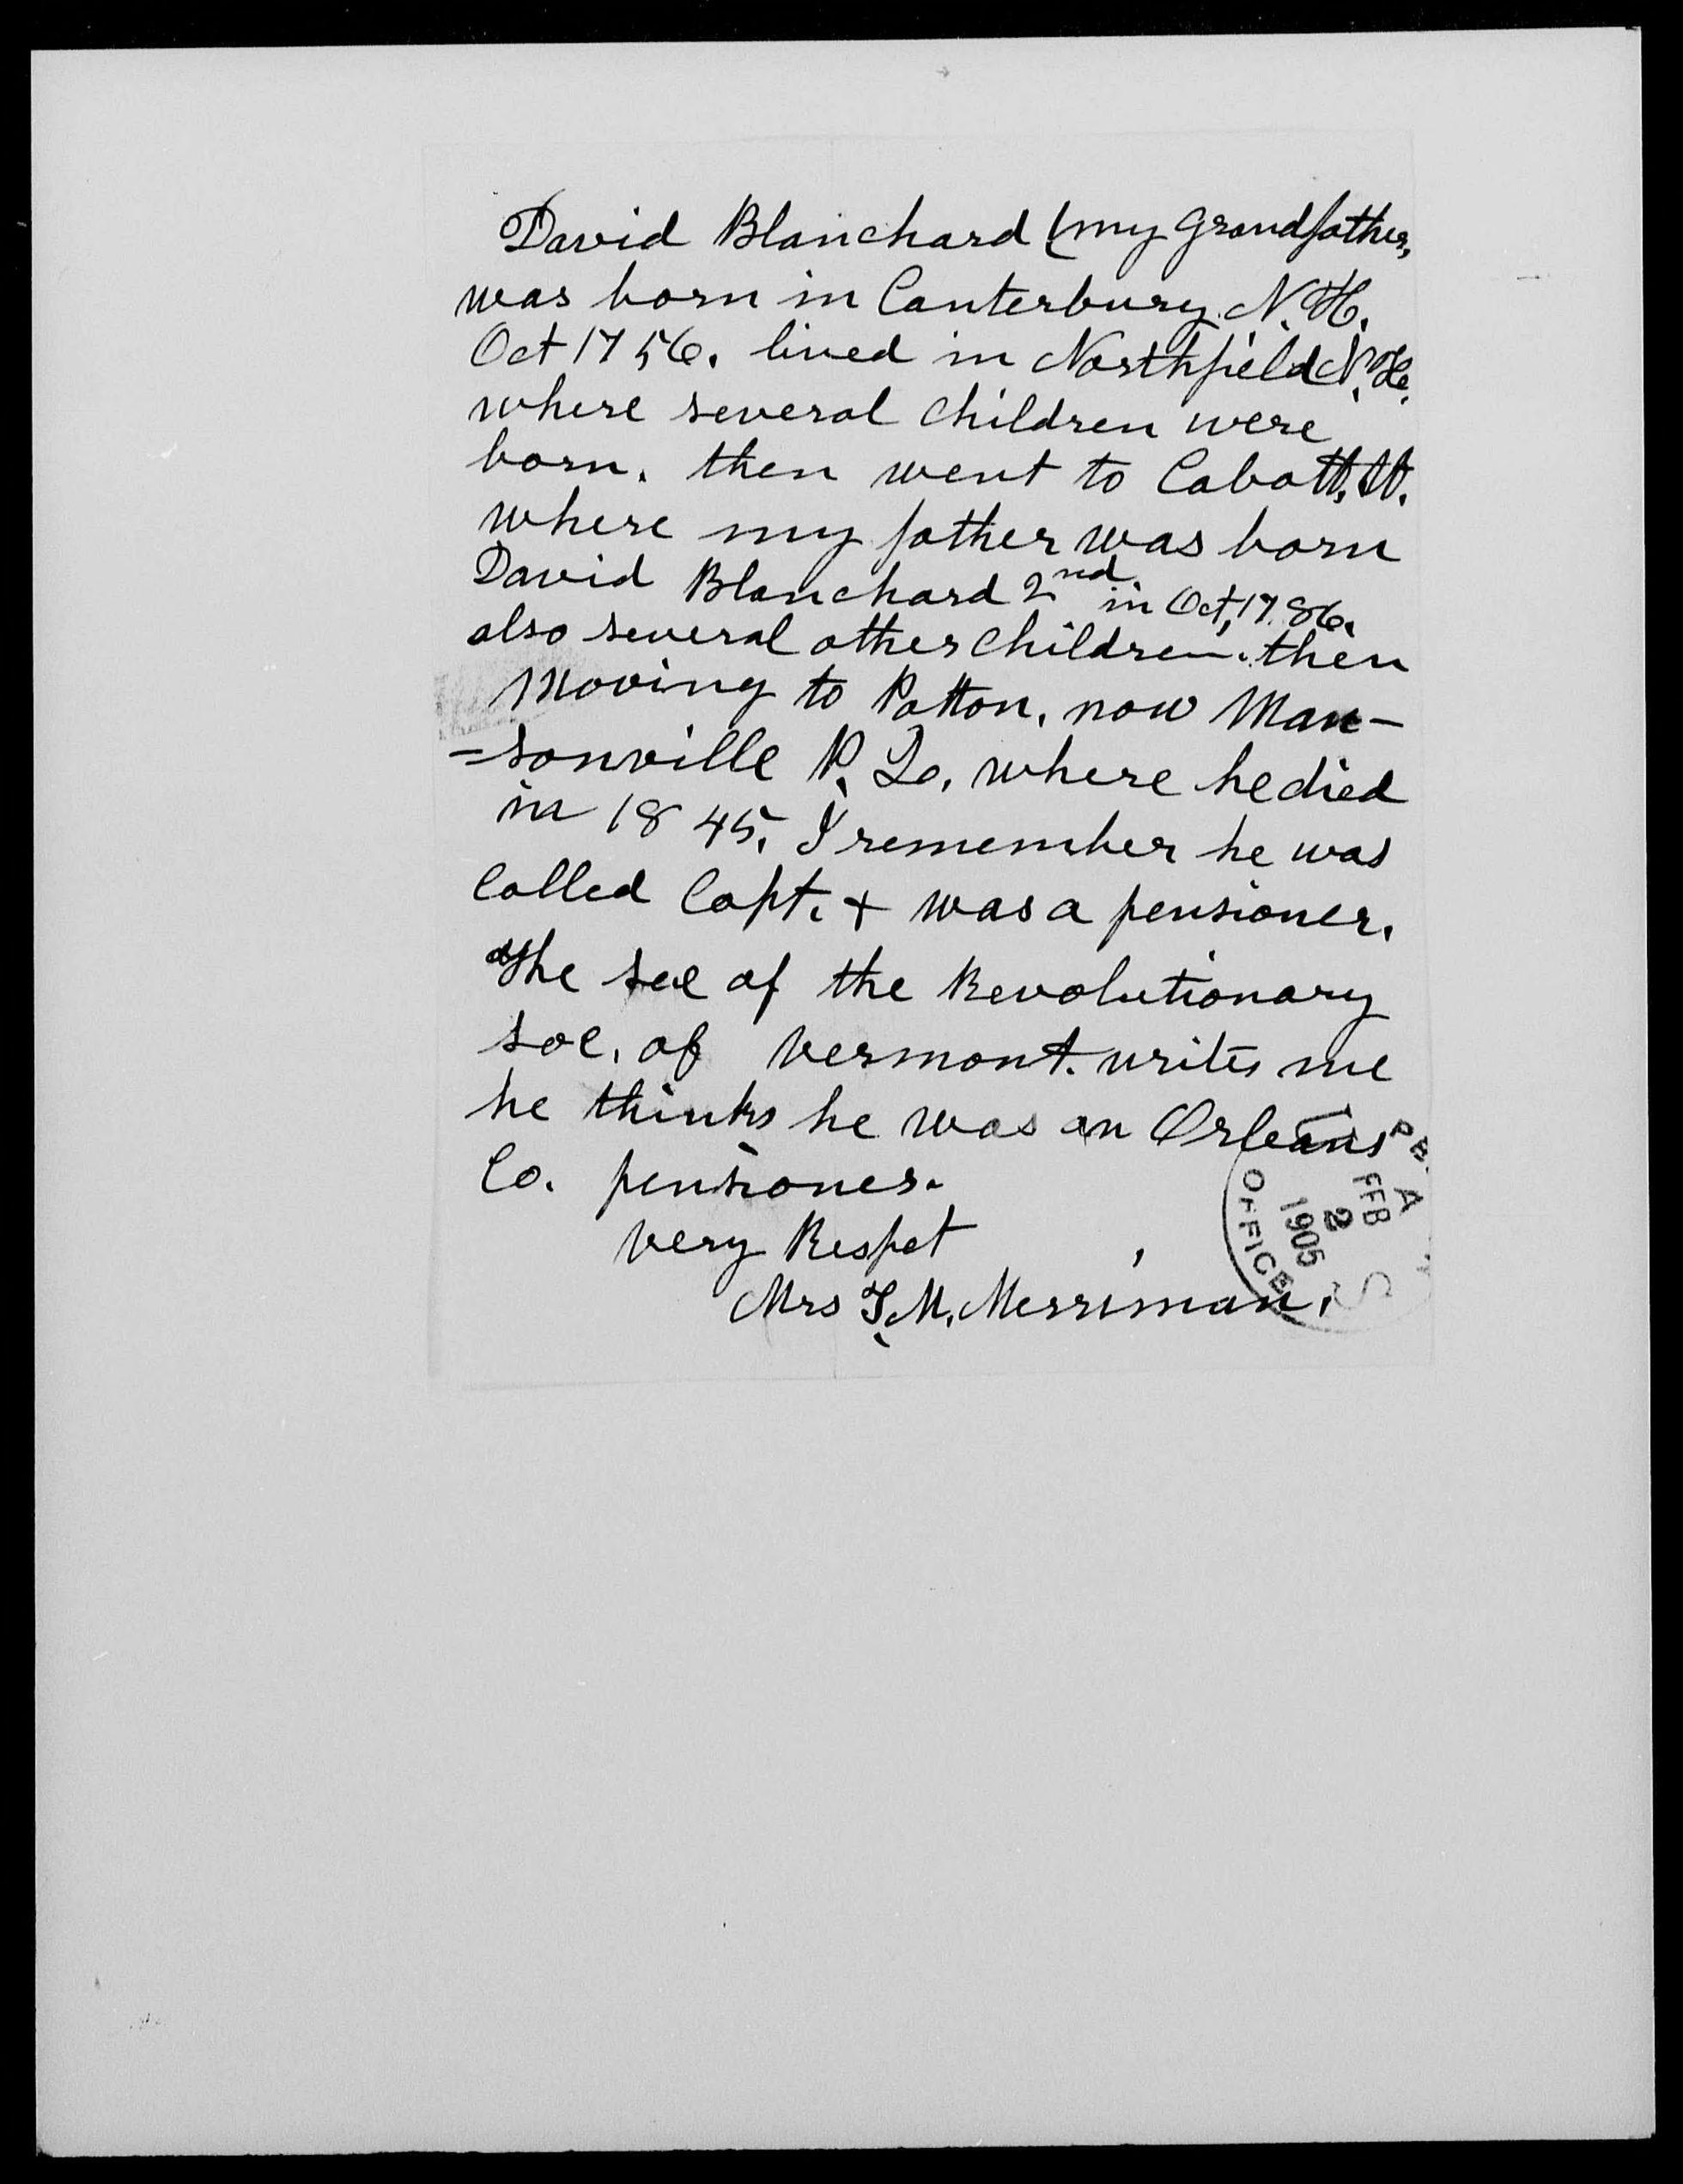David Blanchard, my grandfather, was born in Canterbury N. H. Oct 1756, lived in Northfield N.H. where several children were born, then went to Cabot Vt. where my father was born. David Blanchard 2nd in Oct. 1786. Also several other children, then Moving to Patton, now Mansonville P. Q. where he died in 1845. I remember he was called Capt. & was a pensioner. The Sec of the Revolutionary
Sol. of Vermont writes me he thinks he was an Orleans Co. pensioner.
Very Respet
Mrs M. Merriman

[stamp] U S Pension Office Feb 2 1905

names: T M Merriman, David Blanchard, David Blanchard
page: 19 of 23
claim: survivor's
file: S. 12237, David Blanchard, N. H.